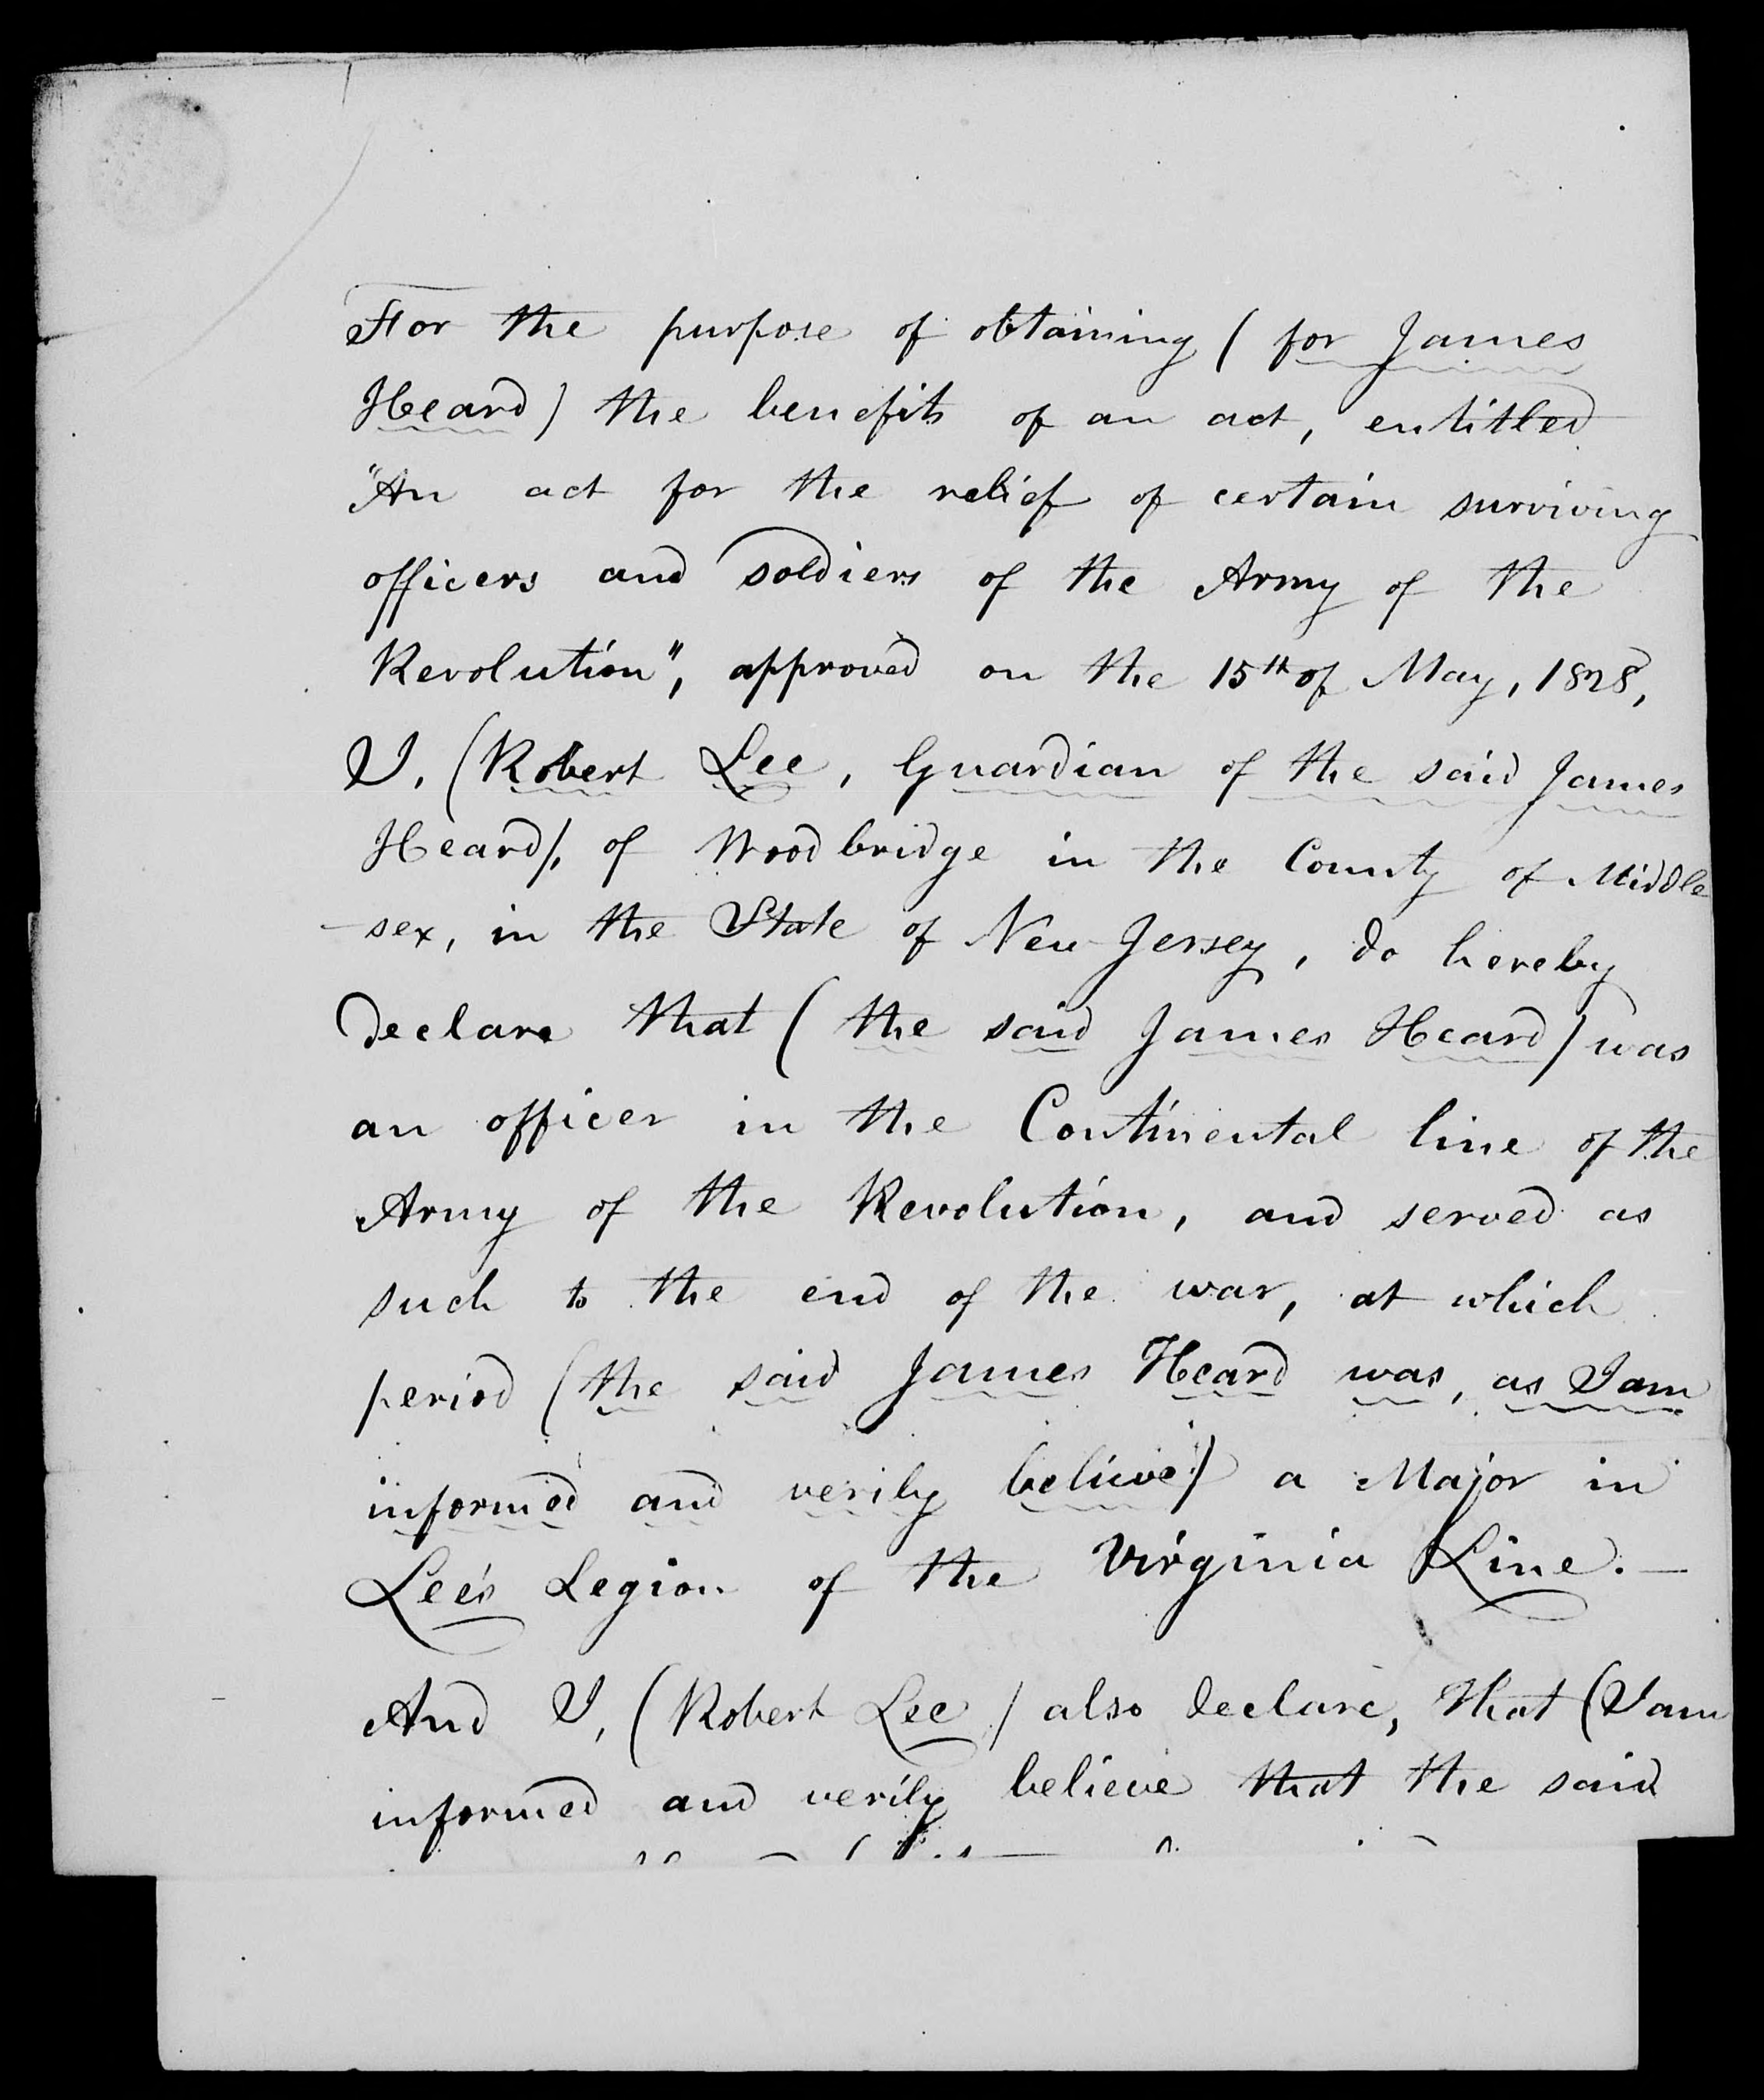For the purpose of obtaining (for James Heard) the benefits of an act, entitled “An act for the relief of certain surviving Officers and Soldiers of the Army of the Revolution, approved on the 15th of May, 1828, I (Robert Lee, Guardian of the said James Heard), of Woodbridge in the County of Middlesex, in the State of New Jersey, do declare that the said James Heard was an officer in the continental line of the Army of the Revolution, and served as such to the end of the war, at which period (the said James Heard was as I am informed verily believe) a Major in Lee’s Legion of the Virginia line.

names: James Heard, Robert Lee, James Heard, James Heard, James Heard, Robert Lee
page: 22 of 62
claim: survivor's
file: S. 540, James Heard, Continental - New Jersey Residence In 1818